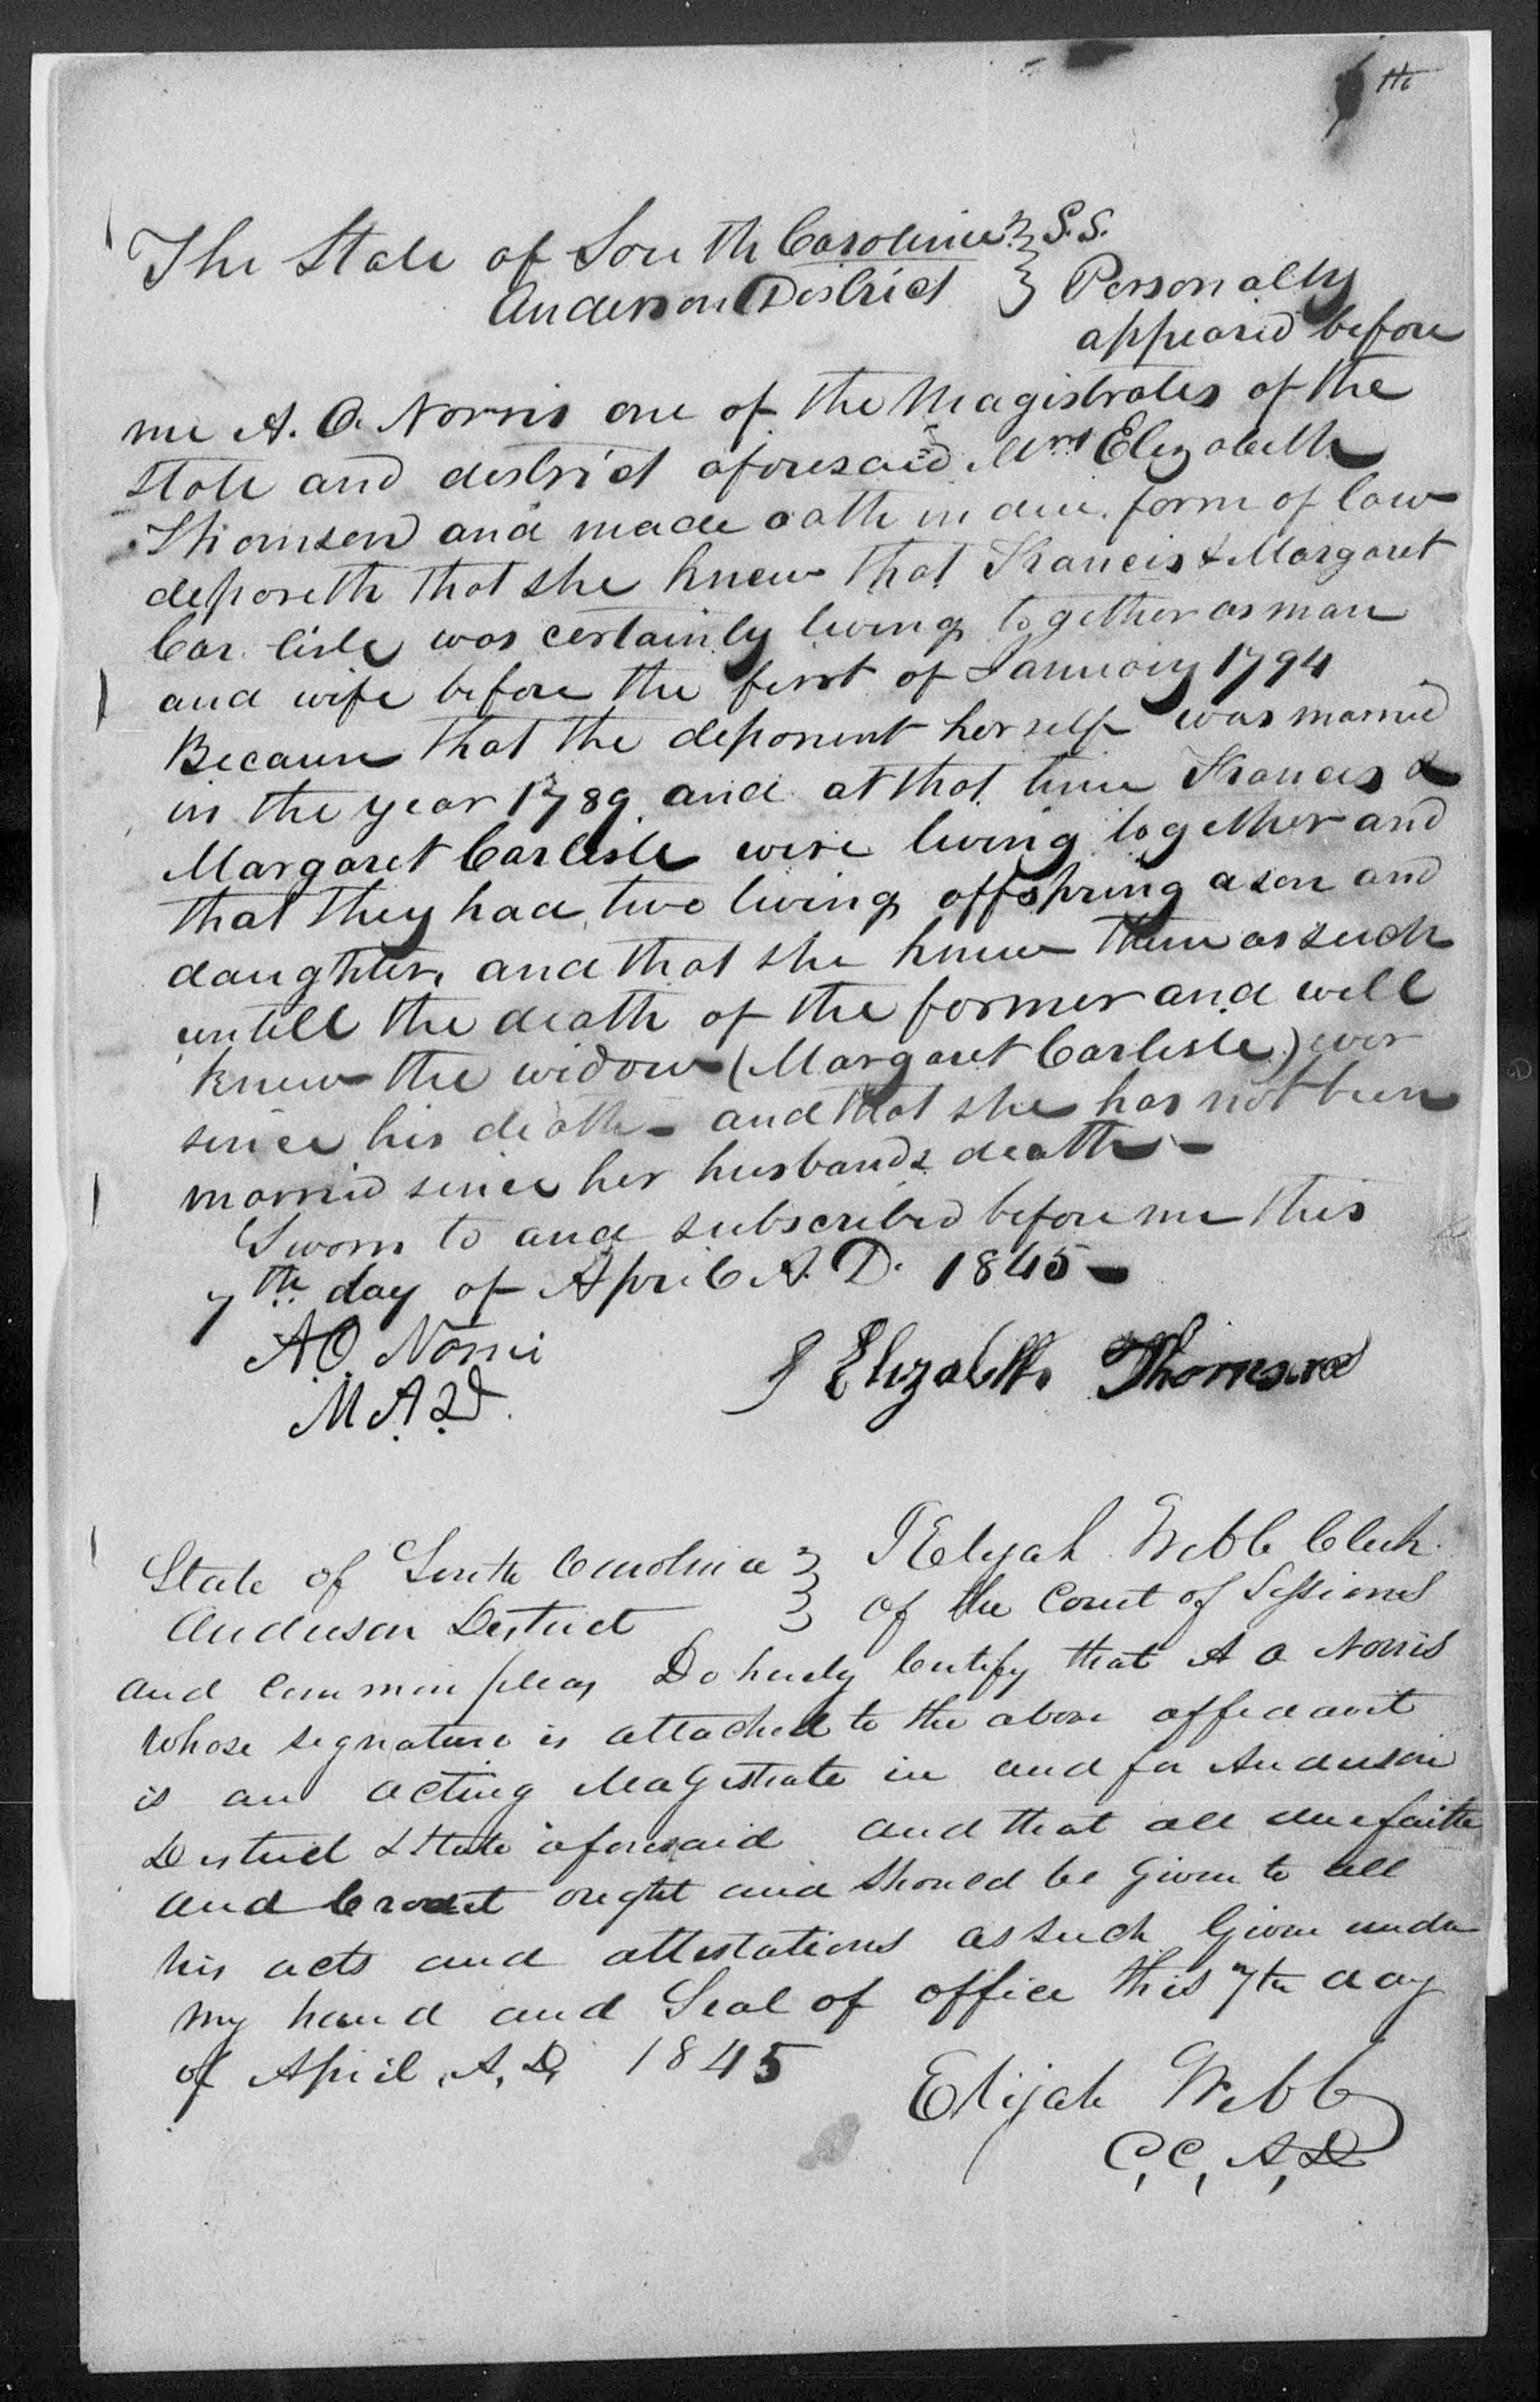The State of South Carolina SS.
Anderson District
Personally appeared before me A. O. Norris one of the Magistrates of the State and district aforesaid Mrs. Elizabeth Thomson and made oath in due form of law deposeth that she knew that Francis & Margaret Carlisle was certainly living together as man and wife before the first of January 1794, Because that the deponent herself was married in the year 1789 and at that time Francis & Margaret Carlisle were living together and that they had two living offspring a son and daughter, and that she in them as such untill the death of the former and well knew the widow Margaret Carlisle ever since his death and that she has not been married since her husbands death
[signed] Elizabeth Thompson
Sworn to and subscribed before me this 7th day of April A D. 1865 -
A. O. Norris M.A.D.

State of South Carolina 
Anderson District
I Elijah Webb Clerk of the Court of Sessions and common pleas do hereby Certify that A O Norris whose signature is attached to the above affidavit is an acting Magistrate in and for Anderson
District & State aforesaid and that all due faith and Credit ought and should be given to all his acts and attestations as such Given under my hand and seal of office this 7th day of April A.D. 1845
Elijah Webb
C.C. A.D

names: A O Norris, Margaret Carlisle, Wm Elizabeth Thomsen, Francis Carlisle, A O Norris, Elijah Webb, Francis Carlisle, Elizabeth Thomson, Elijah Webb, Margaret Carlisle, A O Norris, Margaret Carlisle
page: 45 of 91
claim: widow's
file: W. 10576, Francis Carlisle, S.C.